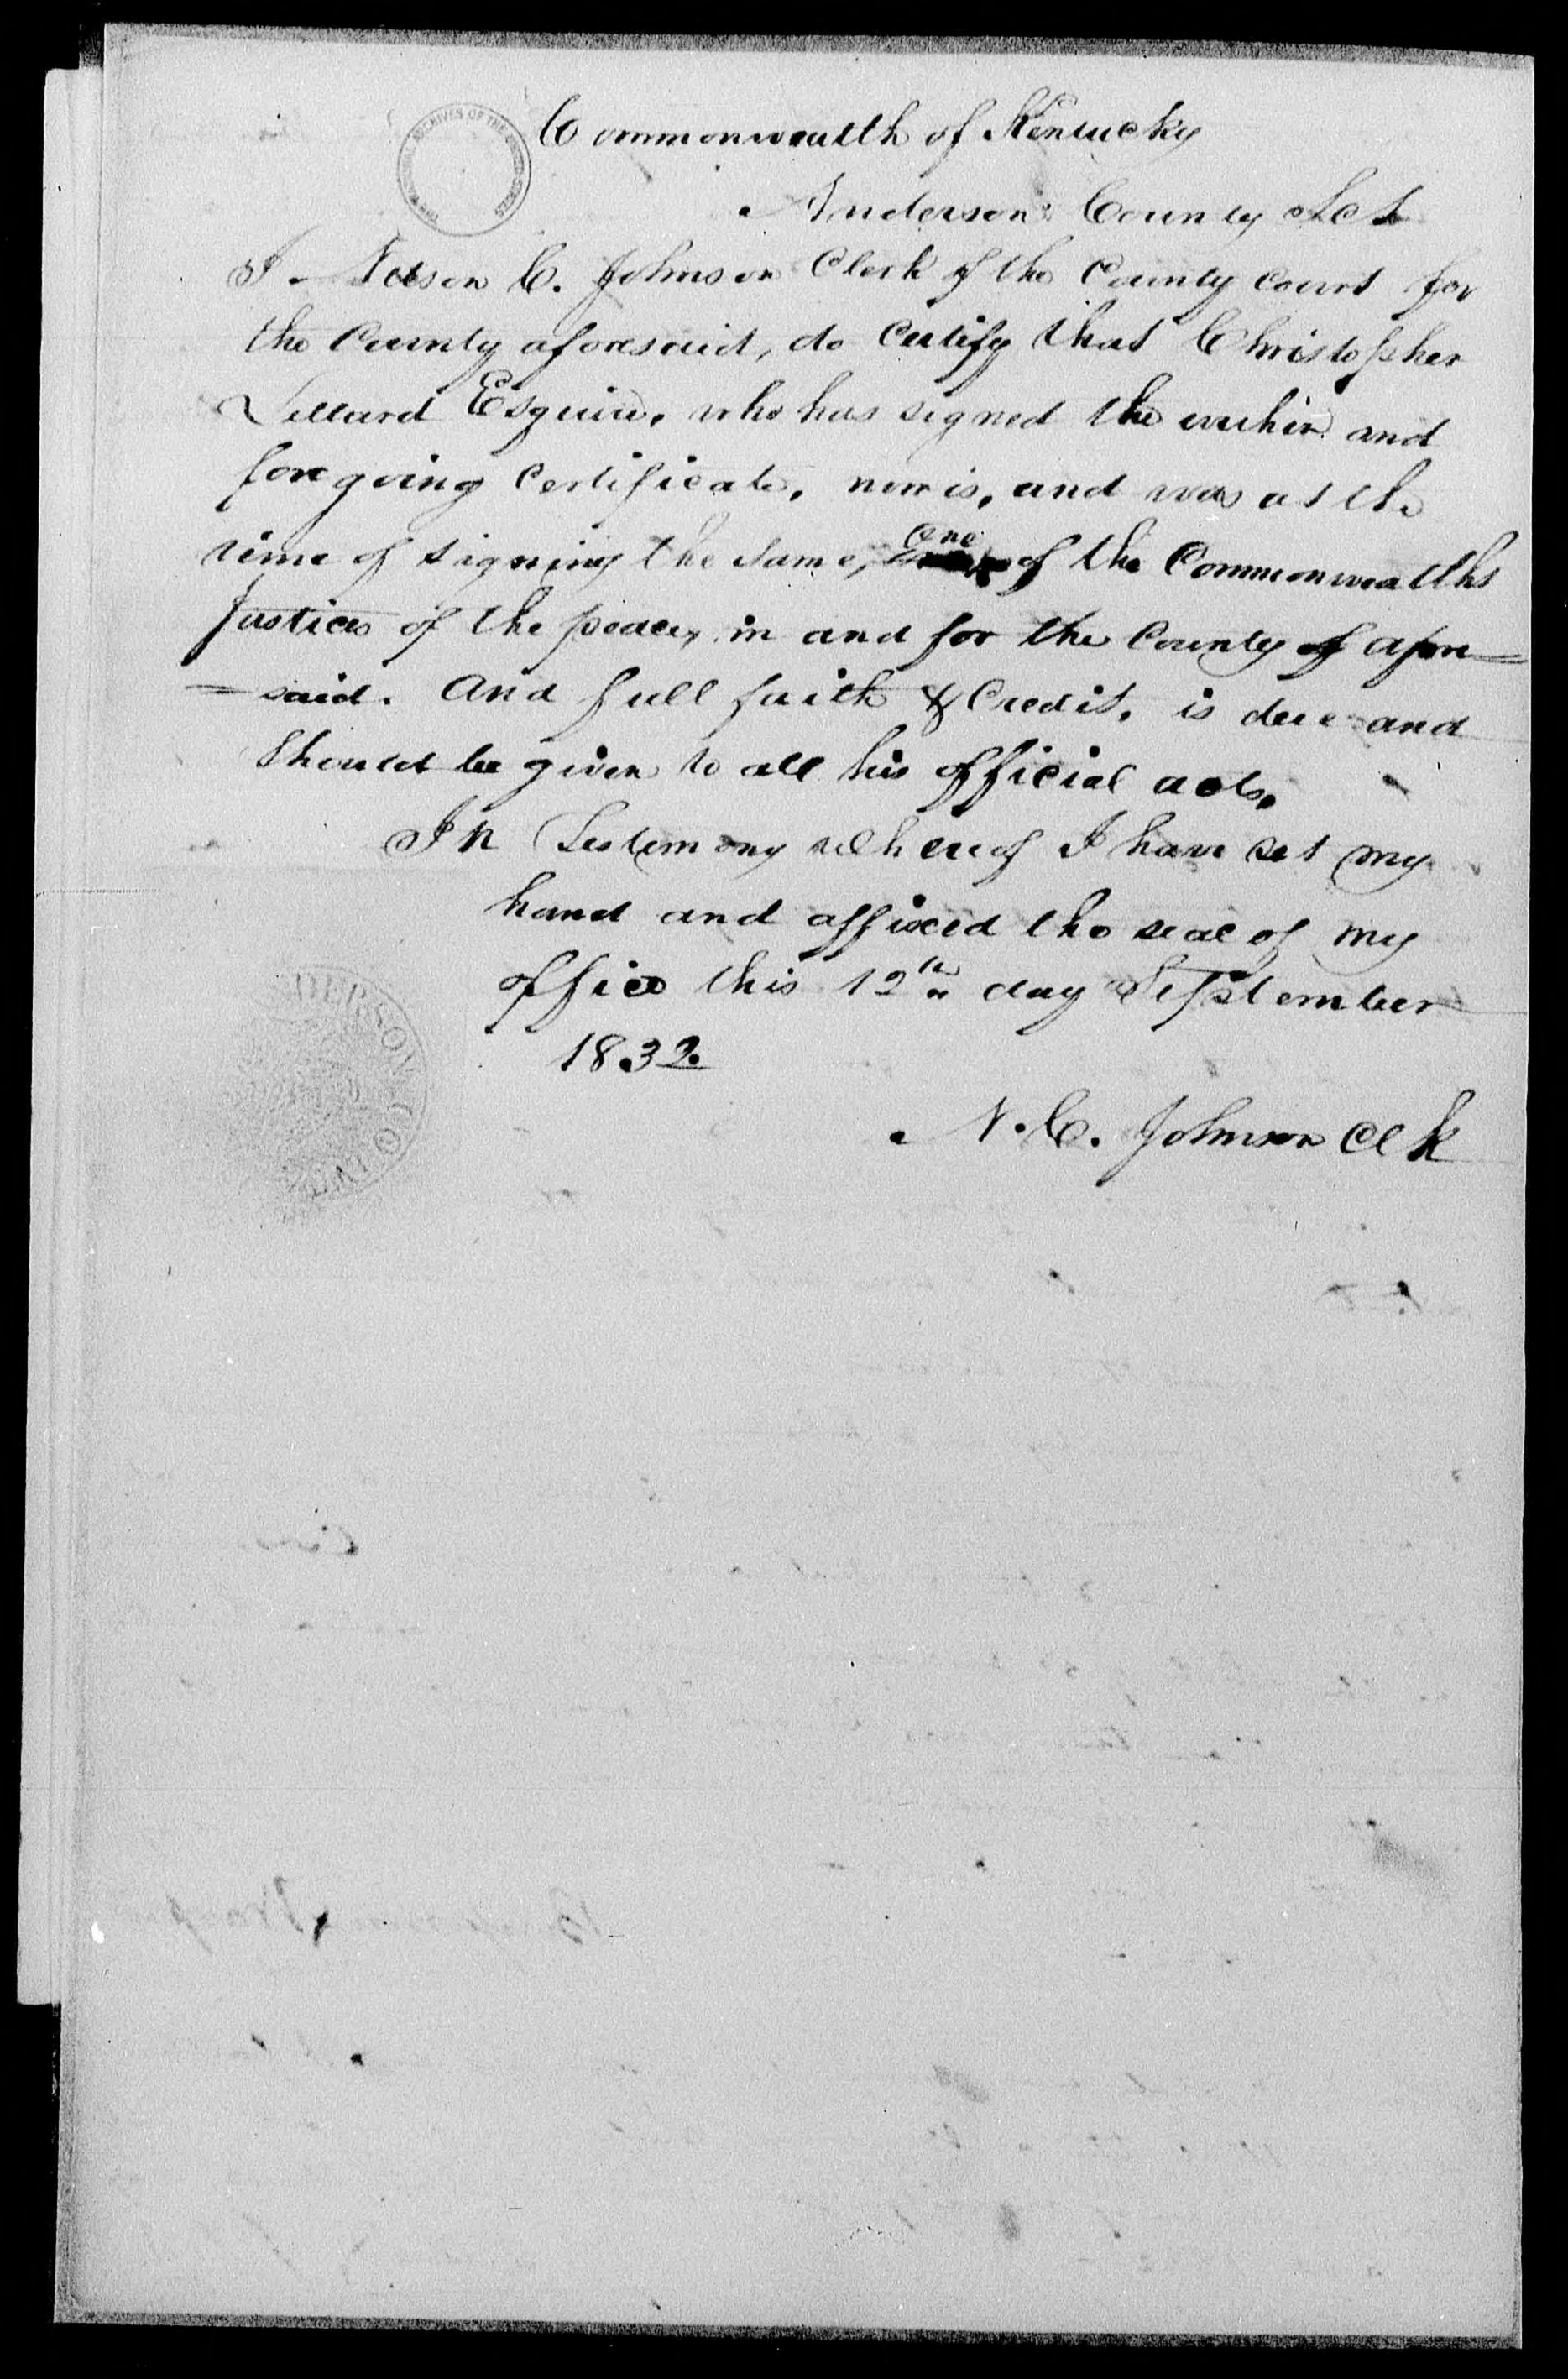Commonwealth of Kentucky
Anderson County Sct
I Nelson C. Johnson Clerk of the County Court for the County aforesaid, do certify that Christopher Willard Esquire, who has signed the within and foregoing certificate, now is and was at the time of signing the same, one of the Commonwealths Justices of the peace in and for the County of aforesaid and full faith & credit is due and should be given to all his official acts.
In Testimony whereof I have set my
hand and affixed the seal of my
office this 12th day September
1832.
N. C. Johnson Clk

[At the top of the document is a stamp which reads "The National Archives of the United States"]
[The clerk's seal is affixed to the left of his signature]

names: N C Johnson, Christopher Lillard, Nelson C Johnson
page: 11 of 12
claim: survivor's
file: S. 16,362, Henry Deshasure, Ga. S.C.